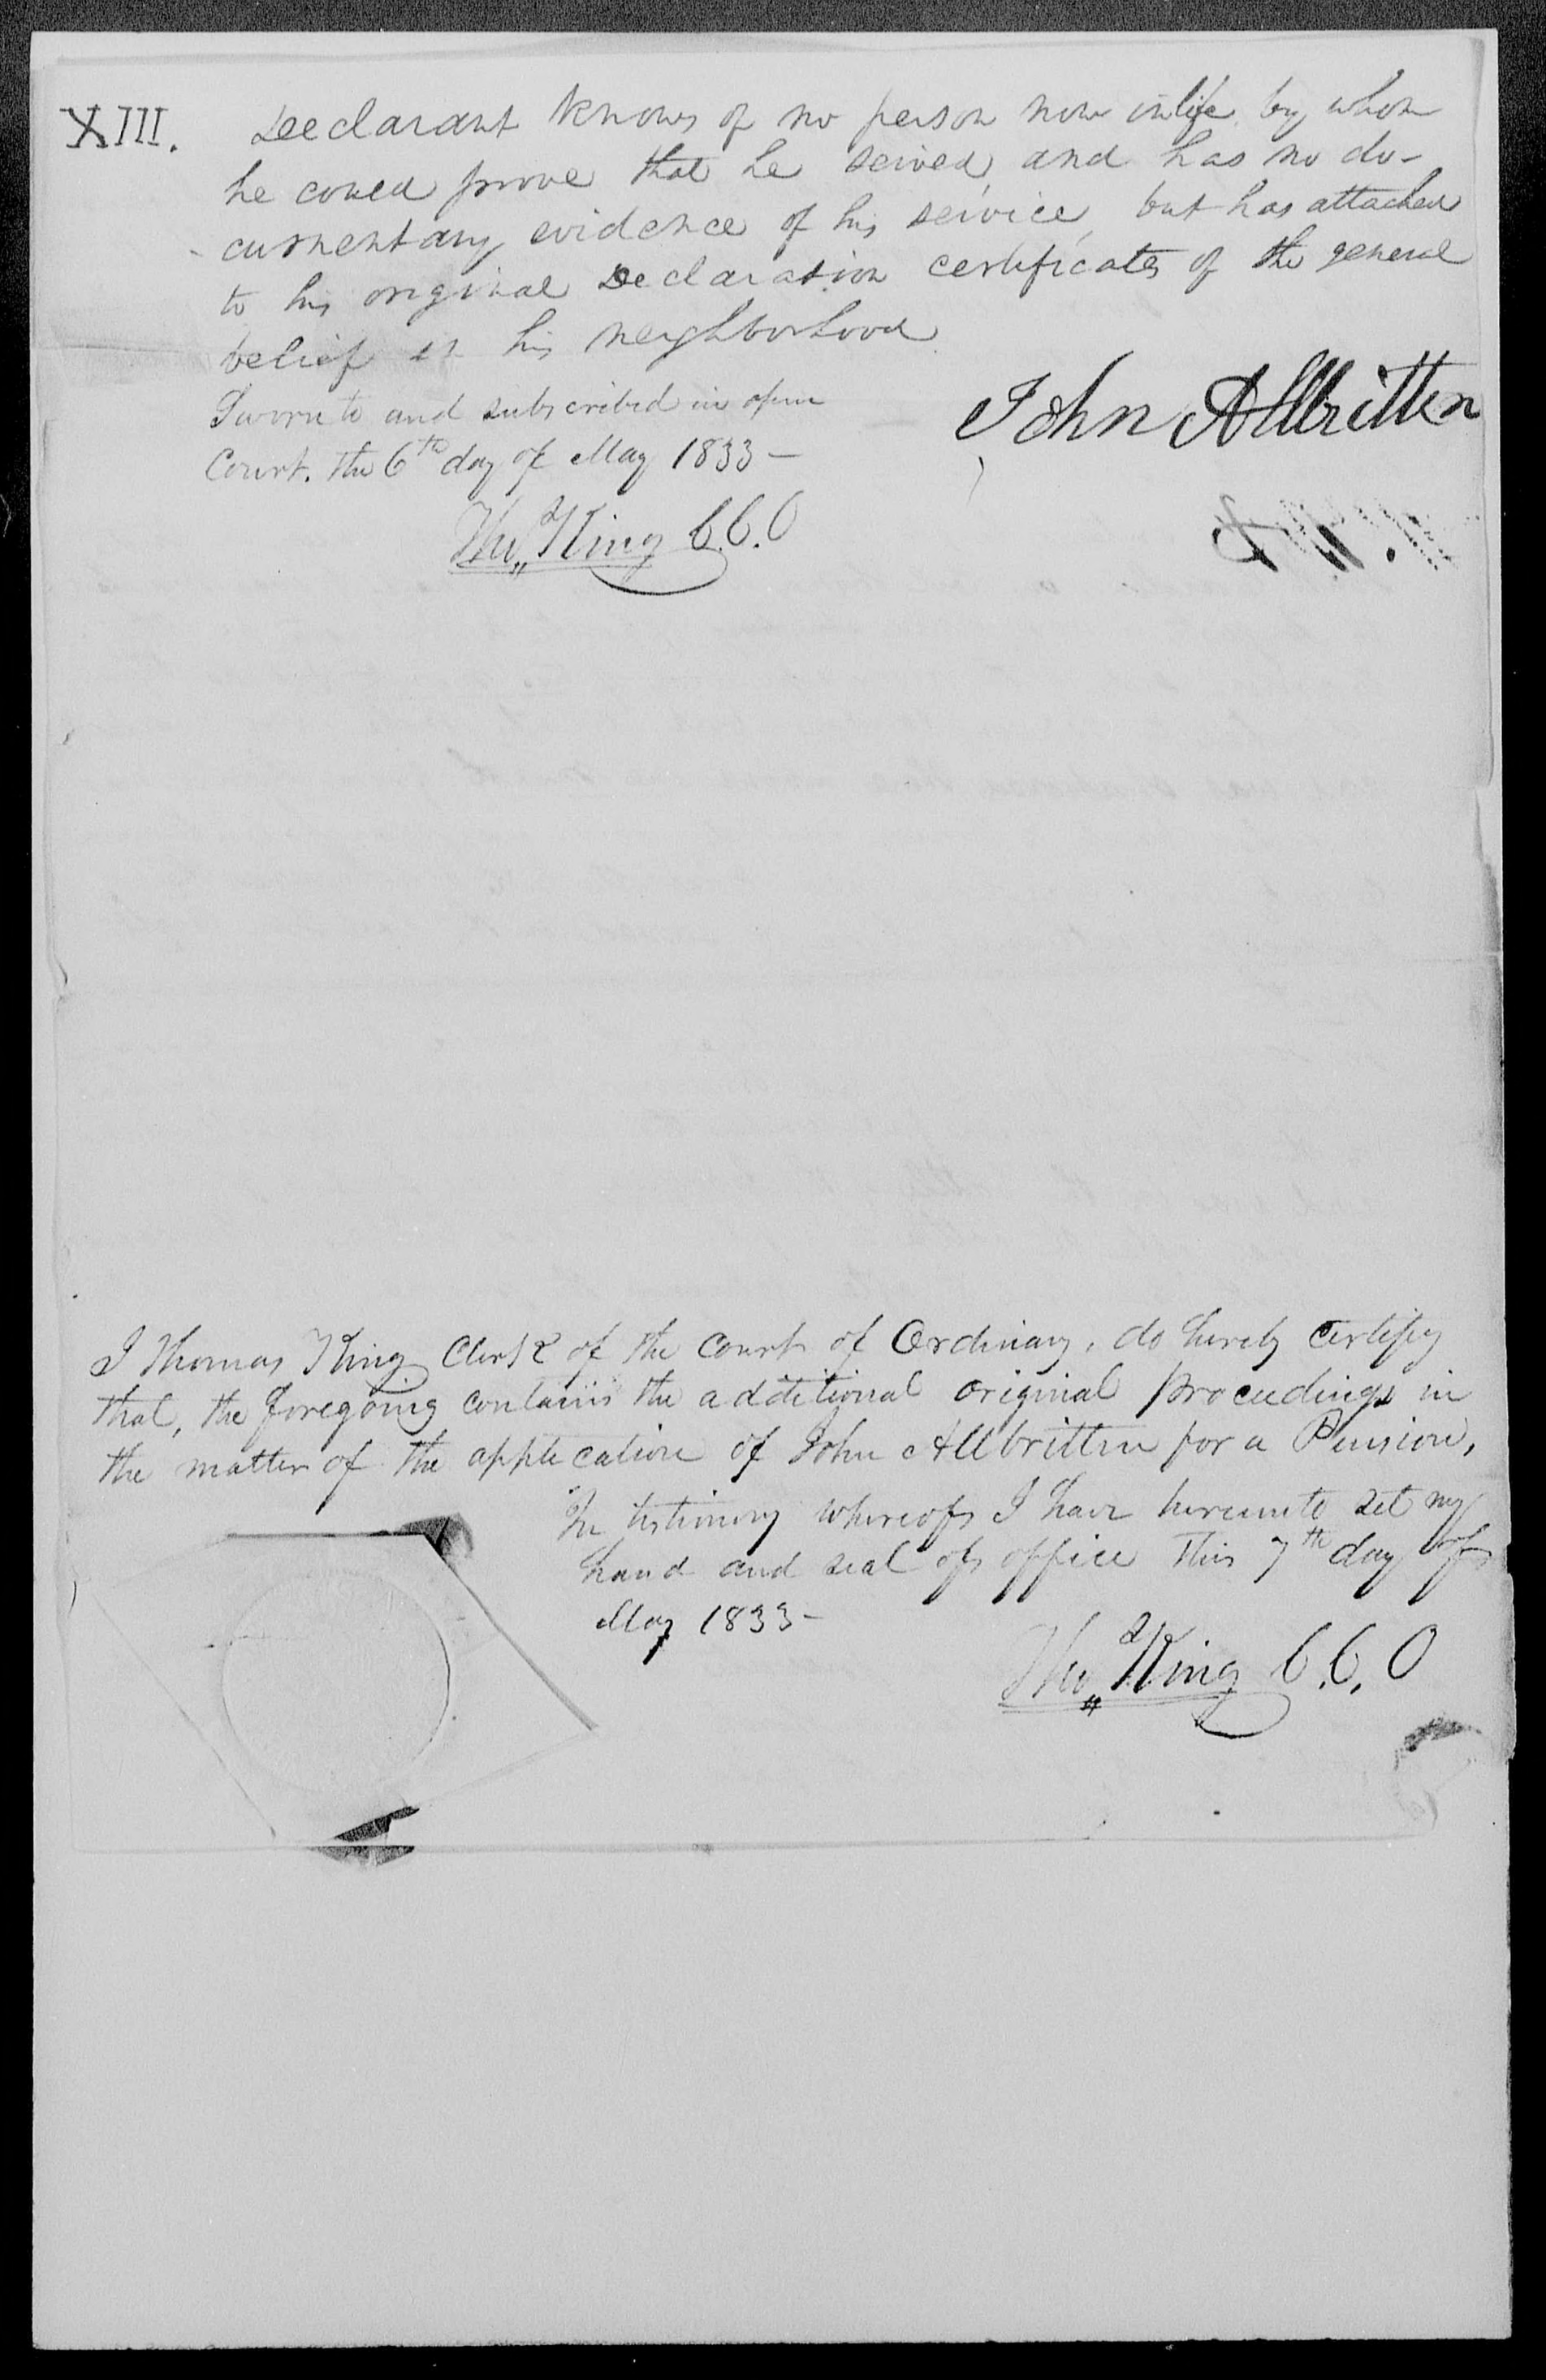XIII. Declarant knows of no person now in life by whom he could prove that he served, and has no documentary evidence of his service, but has attached to his original Declaration Certificates of the general belief of his neighborhood.
John Allbritton
Sworn to and subscribed in open Court, the 6th day of May 1833
Thos King C. C. O.

I Thomas King, Clerk of the Court of Ordinary, do hereby Certify that the foregoing contains the additional original proceedings in the matter of the application of John Allbritton for a Pension. 
In testimony whereof I have hereunto set my hand and seal of office this 7th day of May 1833.
Thos King C. C. O.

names: Thos King, Thomas King, John Allbritten, Thos King, John Allbritten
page: 11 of 22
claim: survivor's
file: S. 31,517, John Allbritton, S.C.